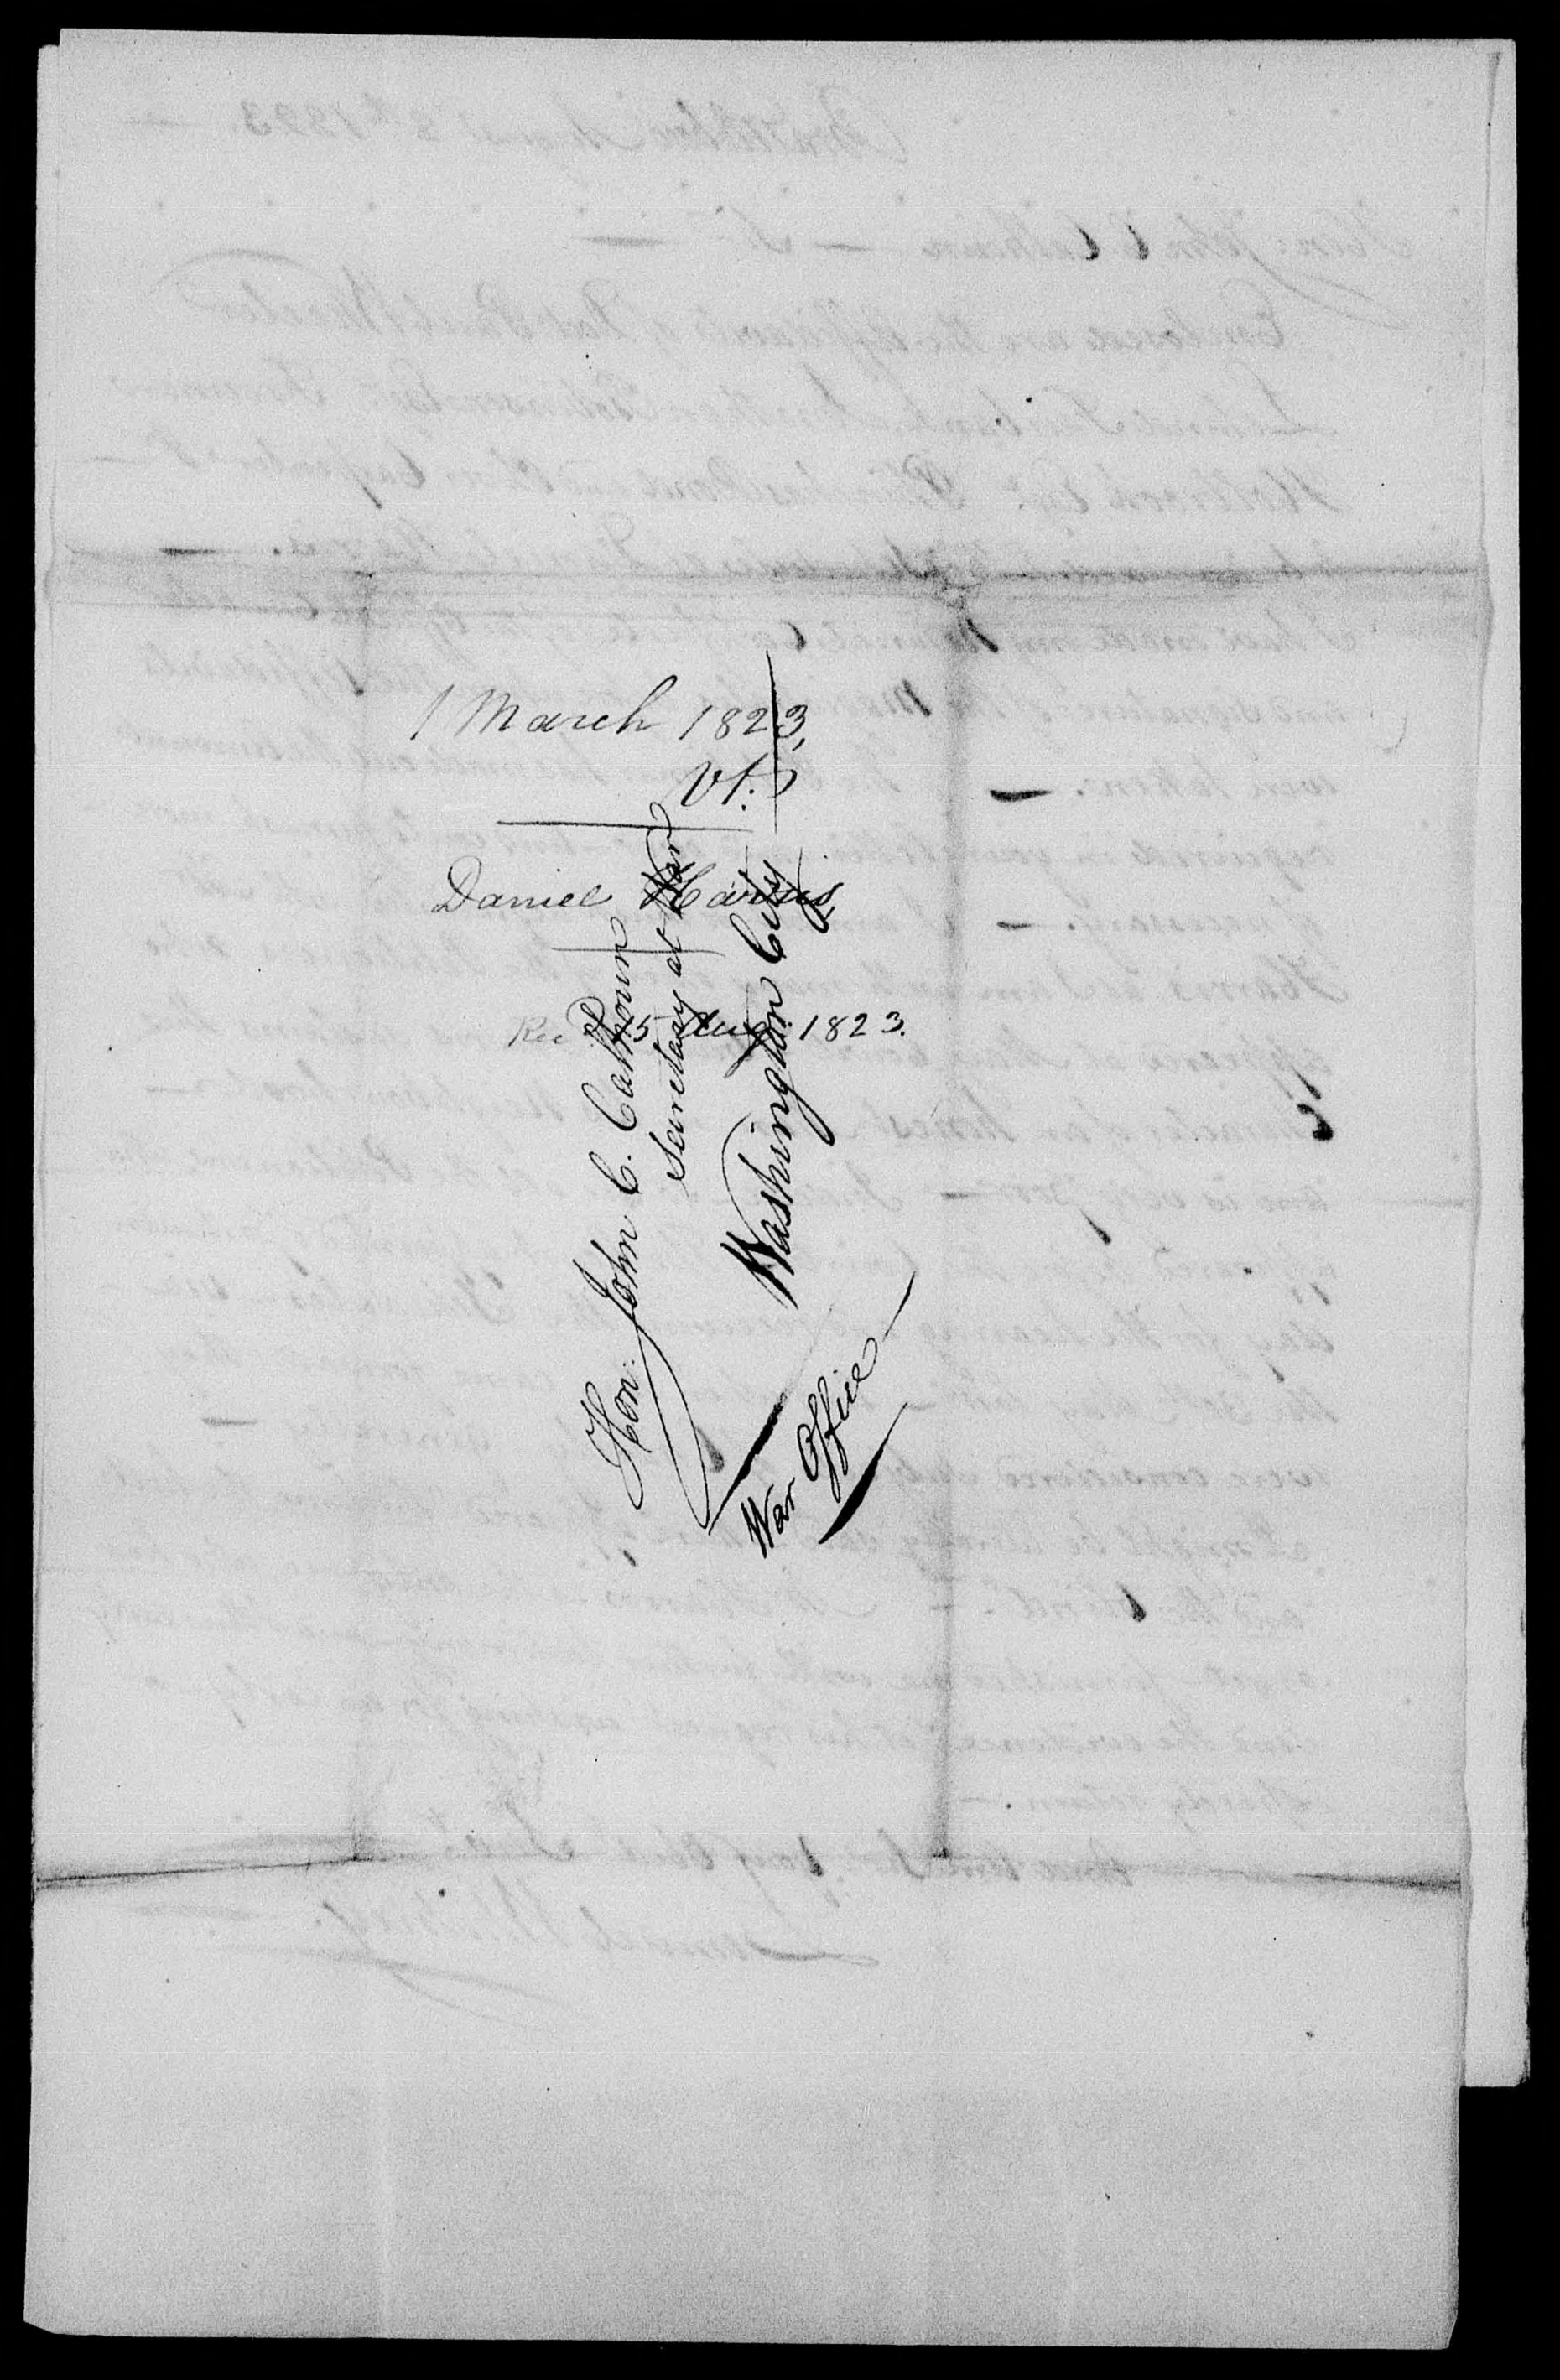1 March 1923
  VT.
Daniel Harris
Rec'd 15, Aug. 1823

(handwritten sideways)
Hon. John Calhoun, Secretary of War
Washington City

War Office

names: John C Calhoun, Daniel Harris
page: 66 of 68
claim: survivor's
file: S. 29,877, Daniel Harris, Mass.